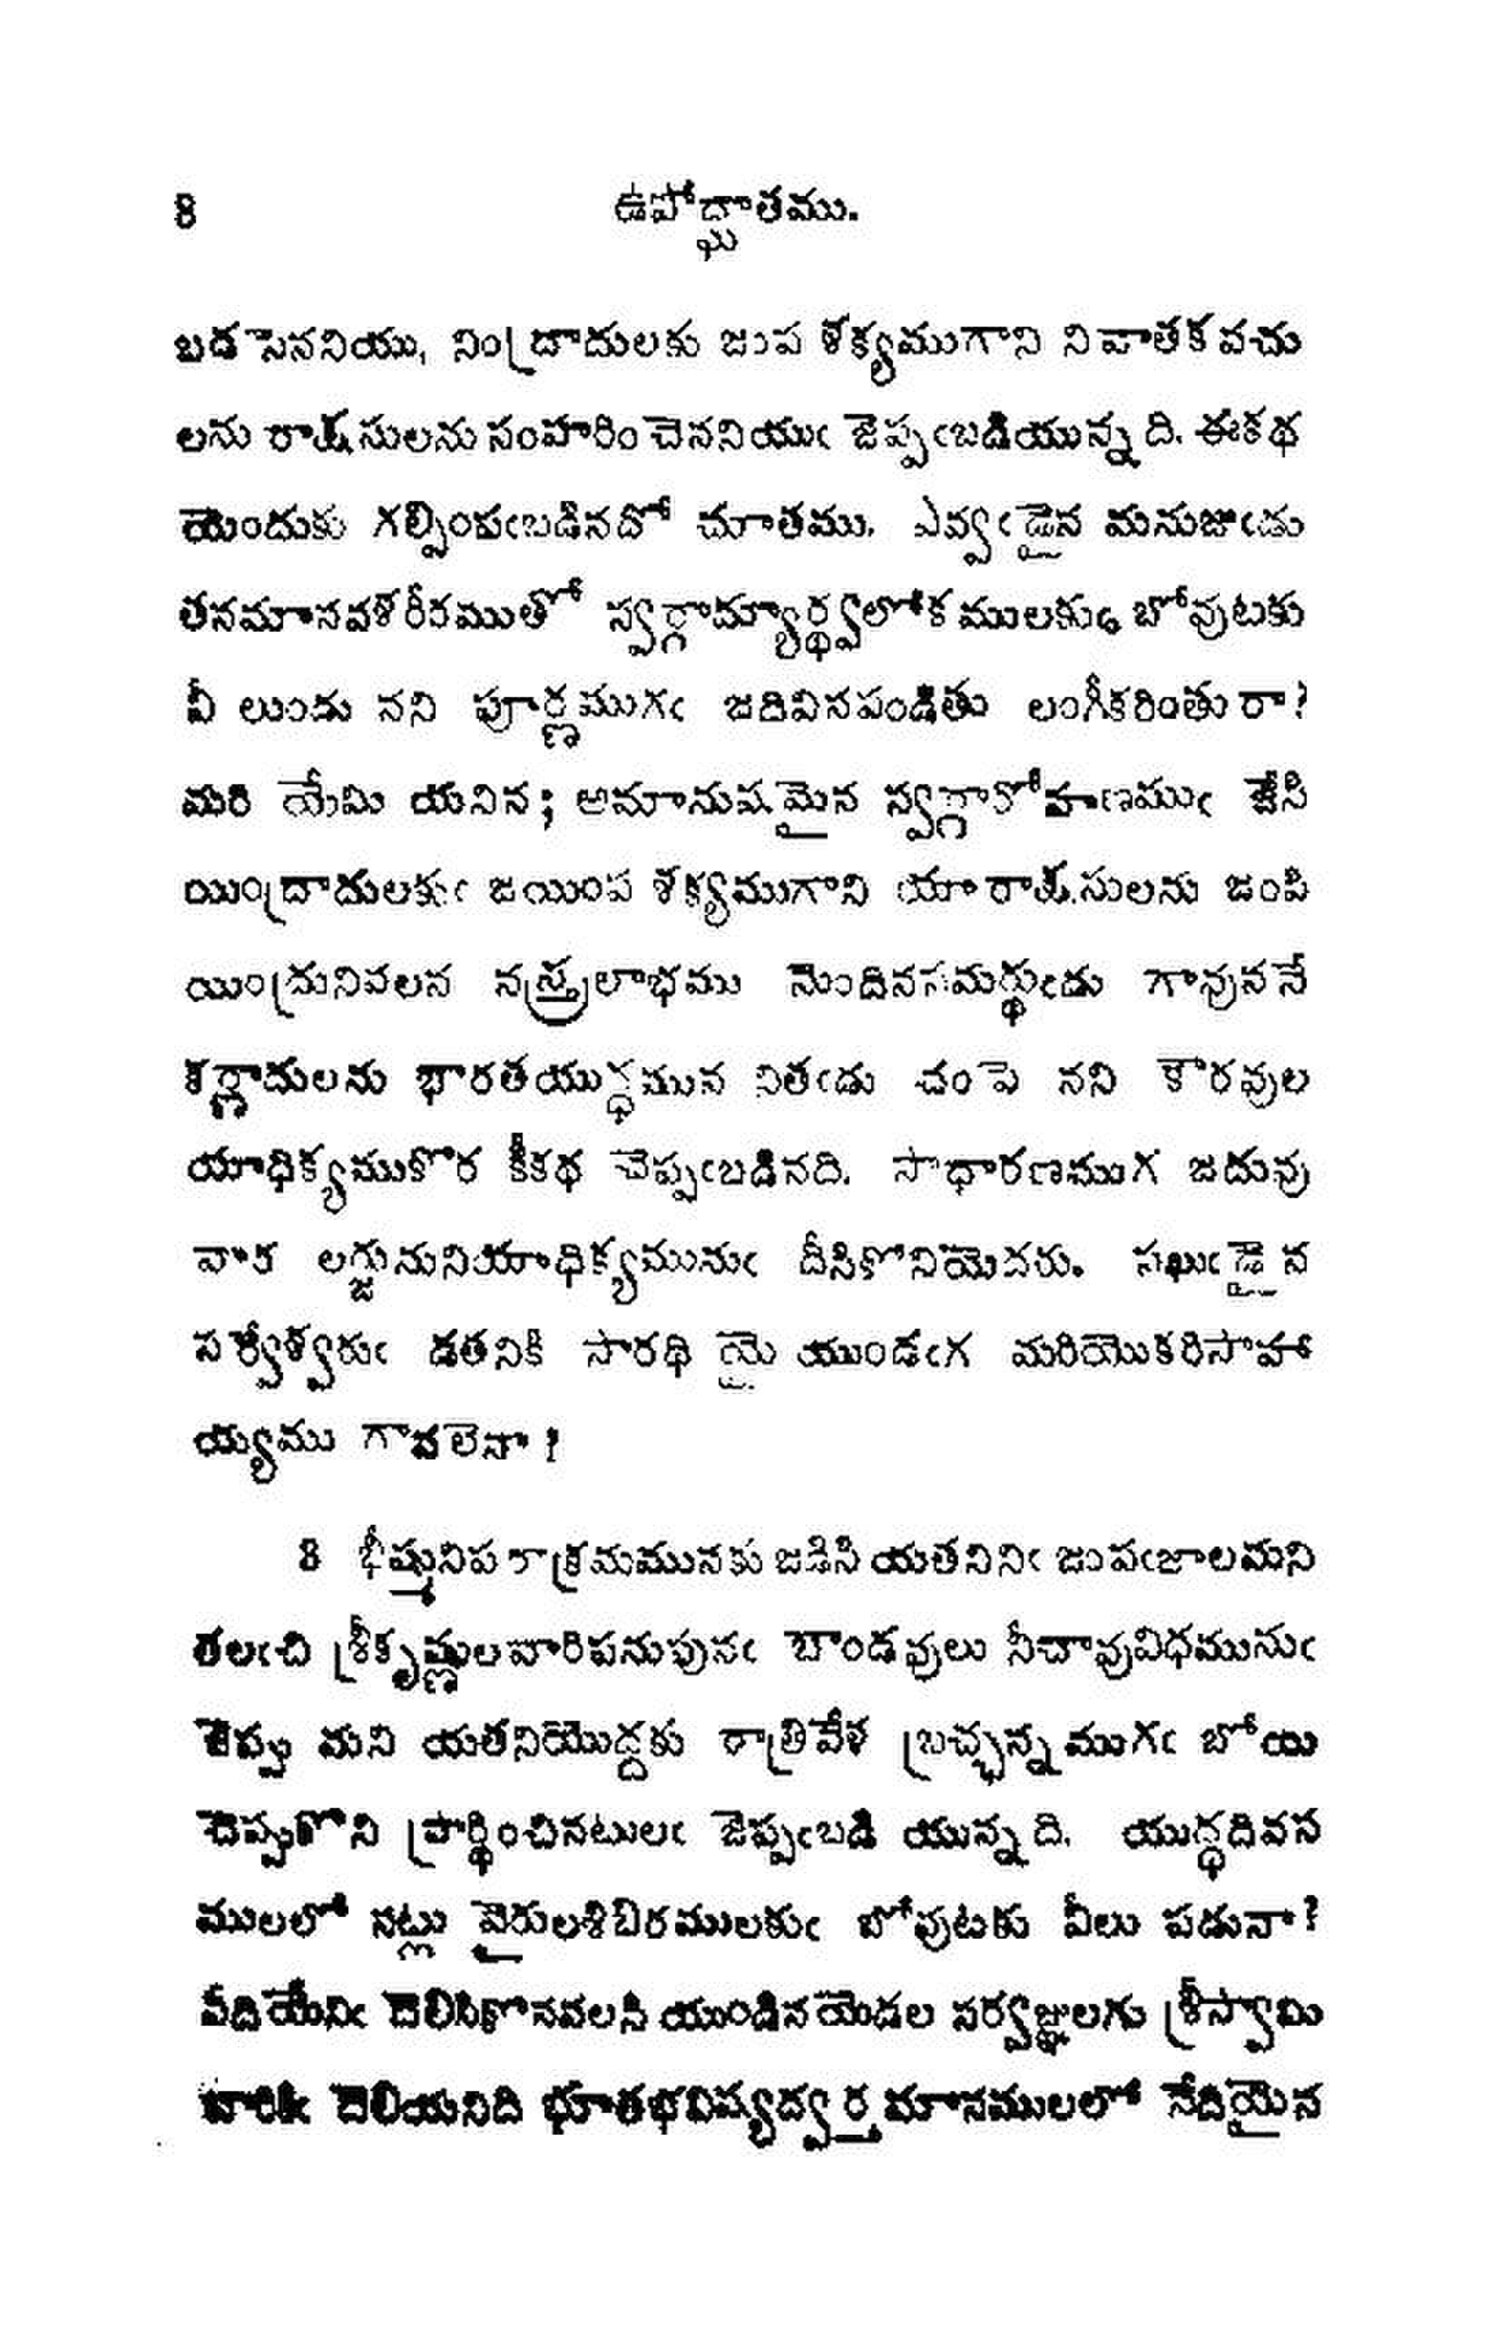బడసెననియు, నింద్రాదులకు జంప శక్యముగాని నివాతకవచులను రాక్షసులను సంహరించె ననియుఁ జెప్పఁబడియున్నది. ఈకథ యెందుకు గల్పింపఁబడినదో చూతము. ఎవ్వఁడైన మనుజుఁడు
తనమానవశరీరముతో స్వర్గాద్యూర్థ్వలోకములకుఁ బోవుటకు వీ లుండు నని పూర్ణముగఁ జదివినపండితు లంగీకరింతురా ? మరి యేమి యనిన , అమానుషమైన స్వర్గారోహణముఁ జేసి
యింద్రాదులకుఁ జయింప శక్యముగాని యారాక్షసులను జంపి యింద్రునివలన నస్త్రలాభము నొందిన సమర్థుఁడు గావుననే కర్ణాదులను భారతయుద్ధమున నితఁడు చంపె నని కౌరవుల యాధిక్యముకొర కీకథ చెప్పఁబడినది. సాధారణముగ జదువువార లర్జునునియాధిక్యమునుఁ దీసికొనియెదరు. సఖుఁడైన సర్వేశ్వరుఁ డతనికి సారథి యై యుండఁగ మరియొకరిసాహాయ్యము గావలెనా?

3 భీష్మునిపరాక్రమమునకు జడిసి యతనినిఁ జంపఁజాలమని తలఁచి శ్రీకృష్ణులవారిపనుపునఁ బాండవులు నీచావువిధమునుఁ జెప్పు మని యతనియొద్దకు రాత్రివేళ బ్రచ్ఛన్నముగఁ బోయి చెప్పుకొని ప్రార్థించినటులఁ జెప్పఁబడి యున్నది. యుద్ధదివసములలో నట్లు వైరులశిబిరములకుఁ బోవుటకు వీలు పడునా ! ఏదియేనిఁ దెలిసికొనవలసి యుండినయెడల సర్వజ్ఞులగు శ్రీస్వామివారికిఁ దెలియనిది భూతభవిష్యద్వర్తమానములలో నేదియైన